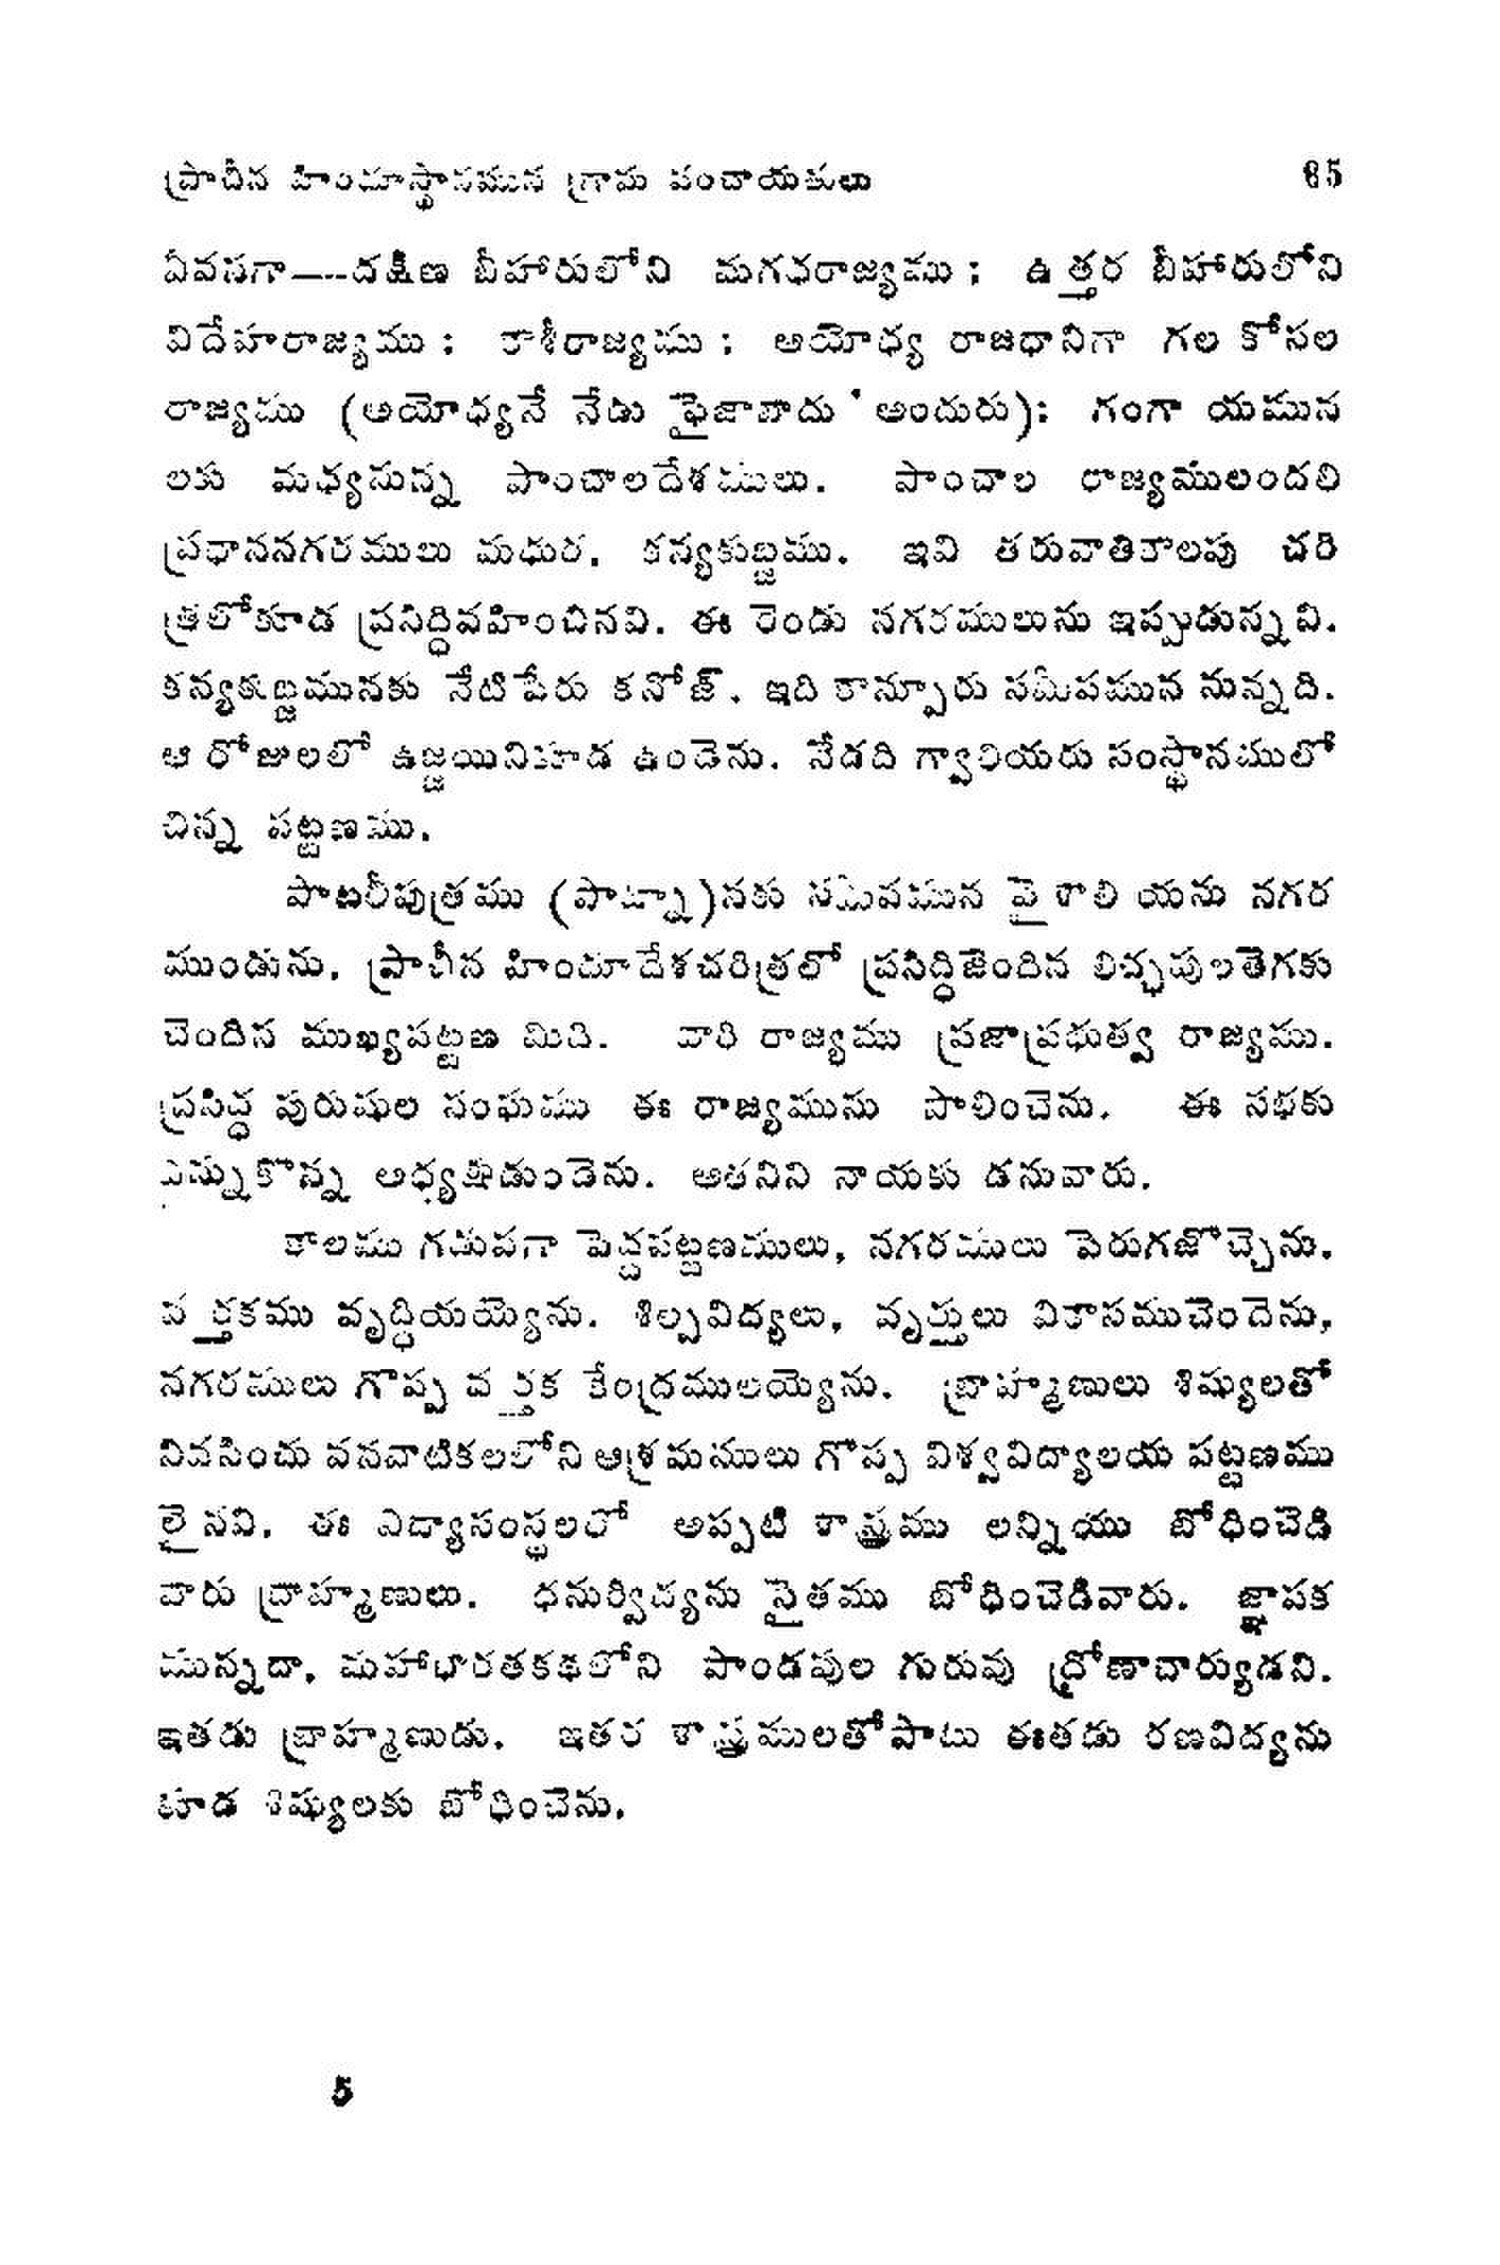ఏవనగా - దక్షిణ బీహారులోని మగధరాజ్యము; ఉత్తర బీహారులోని విదేహరాజ్యము : కాశీరాజ్యము : అయోధ్య రాజధానిగా గల కోసలరాజ్యము (అయోధ్యనే నేడు ఫైజాబాదు అందురు): గంగా యమునలకు మధ్యనున్న పాంచాలదేశములు. పాంచాల రాజ్యములందలి ప్రఛాననగరములు మధుర, కన్యకుబ్జము. ఇవి తరువాతికాలపు చరిత్రలోకూడ ప్రసిద్ధివహించినవి. ఈ రెండు నగరములును ఇప్పుడున్నవి. కన్యకుబ్జమునకు నేటి పేరు కనోజ్. ఇది కాన్పూరు సమీపమున నున్నది. ఆ రోజులలో ఉజ్జయినికూడ ఉండెను. నేడది గ్వాలియరు సంస్థానములో చిన్న పట్టణము.

పాటలీపుత్రము (పాట్నా)నకు సమీపమున వైశాలి యను నగర ముండును. ప్రాచీన హిందూదేశచరిత్రలో ప్రసిద్దిజెందిన లిచ్ఛపులతెగకు చెందిన ముఖ్యపట్టణ మిది. వారి రాజ్యము ప్రజాప్రభుత్వ రాజ్యము. ప్రసిద్ధ పురుషుల సంఘము ఈ రాజ్యమును పాలించెను. ఈ సభకు ఎన్నుకొన్న అధ్యక్షుడుండెను. అతనిని నాయకు డనువారు.

కాలము గడువగా పెద్దపట్టణములు, నగరములు పెరుగజొచ్చెను. వర్తకము వృద్ధియయ్యెను. శిల్పవిద్యలు, వృత్తులు వికాసముచెందెను, నగరములు గొప్ప వర్తక కేంద్రములయ్యెను. బ్రాహ్మణులు శిష్యులతో నివసించు వనవాటికలలోని ఆశ్రమములు గొప్ప విశ్వవిద్యాలయ పట్టణములైనవి. ఈ విద్యాసంస్థలలో అప్పటి శాస్త్రము లన్నియు బోధించెడి వారు బ్రాహ్మణులు. ధనుర్విద్యను సైతము బోధించెడివారు. జ్ఞాపక మున్నదా. మహాభారతకథలోని పాండవుల గురువు ద్రోణాచార్యుడని. ఇతడు బ్రాహ్మణుడు. ఇతర శాస్త్రములతోపాటు ఈతడు రణవిద్యను కూడ శిష్యులకు బోధించెను.